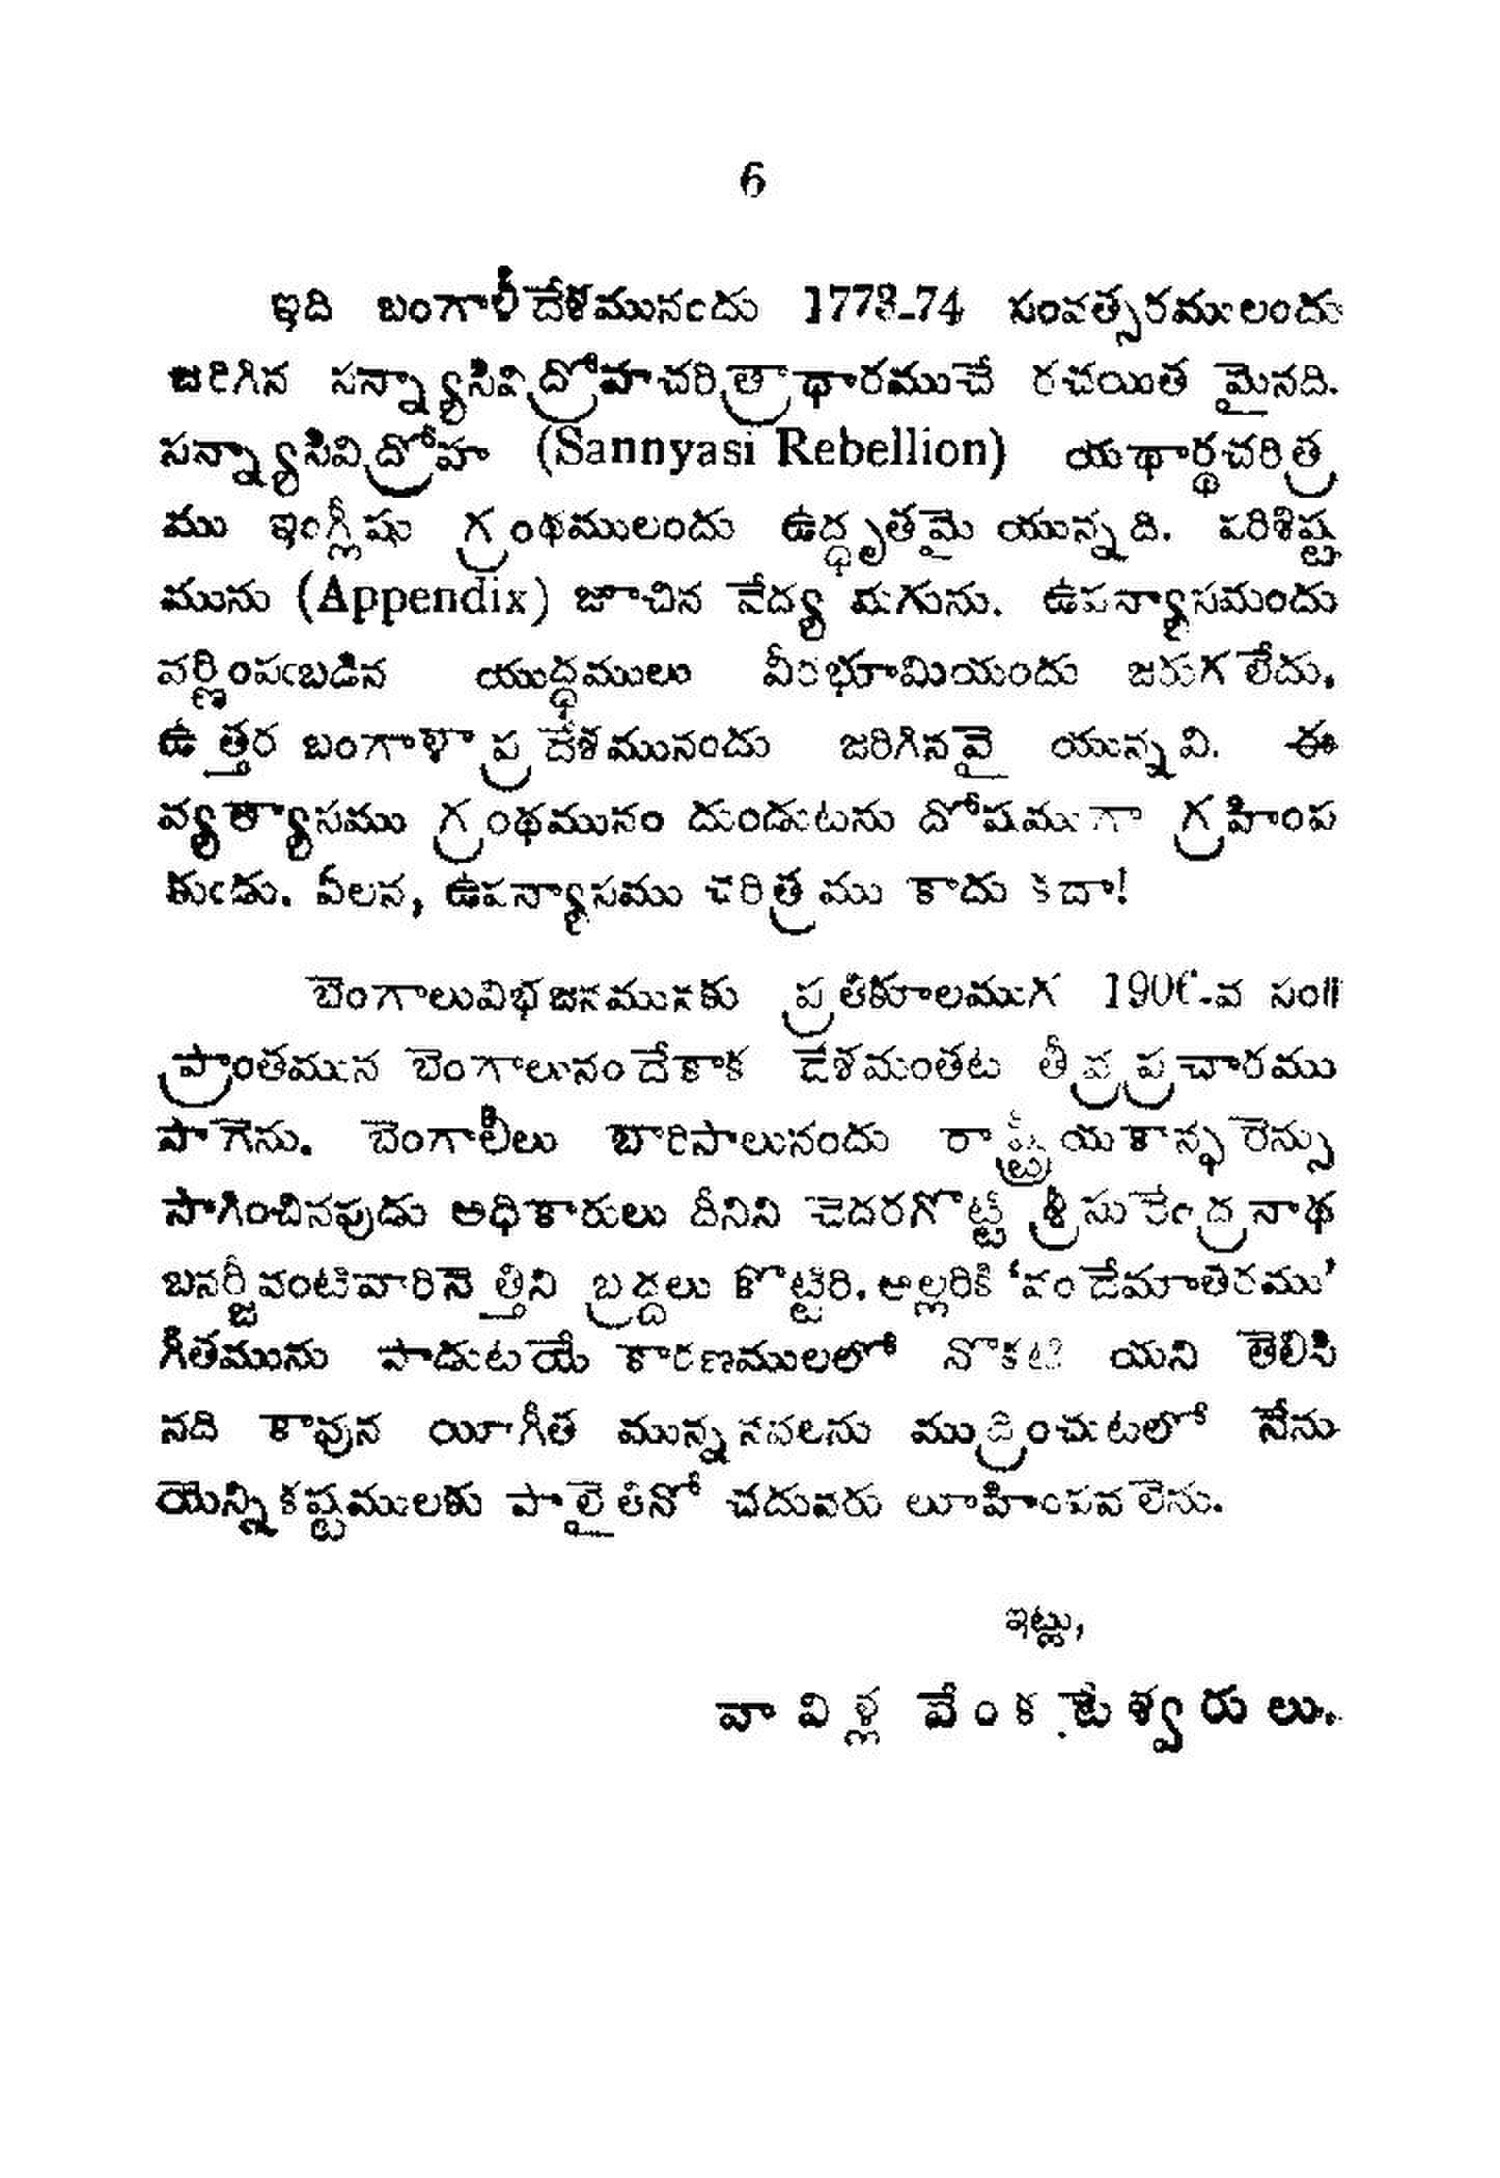ఇది బంగాళీదేశమునందు 1773 - 74 సంవత్సరములందు జరిగిన సన్న్యాసివిద్రోహచరిత్రాధారముచే రచయిత మైనది. సన్న్యాసివిద్రోహ (Sannyasi Rebellion) యథార్థచరిత్రము ఇంగ్లీషు గ్రంథములందు ఉద్ధృతమై యున్నది. పరిశిష్టమును (Appendix) జూచిన వేద్య మగును. ఉపన్యాసమందు వర్ణింపఁబడిన యుద్ధములు వీరభూమియందు జరుగ లేదు. ఉత్తర బంగాళా ప్రదేశమునందు జరిగినవై యున్నవి. ఈ వ్యత్యాసము గ్రంథమునం దుండుటను దోషముగా గ్రహింపకుఁడు, ఏలన, ఉపన్యాసము చరిత్రము కాదు కదా!

బెంగాలువిభజనముసకు ప్రతికూలముగ 1906 - వ సం!! ప్రాంతమున బెంగాలునందేకాక దేశమంతట తీవ్రప్రచారము సాగెను. బెంగాలీలు బారిసాలునందు రాష్ట్రీయకాన్ఫరెన్సు
సాగించినపుడు అధికారులు దీనిని చెదరగొట్టి శ్రీసురేంద్రనాథబనర్జీవంటివారినెత్తిని బ్రద్దలు కొట్టిరి. అల్లరికి 'వందేమాతరము' గీతమును పాడుటయే కారణములలో నొకటి యని తెలిసినది కావున యీగీత మున్ననవలను ముద్రించుటలో నేను యెన్నికష్టములకు పాలైతినో చదువరు లూహింపవలెను.